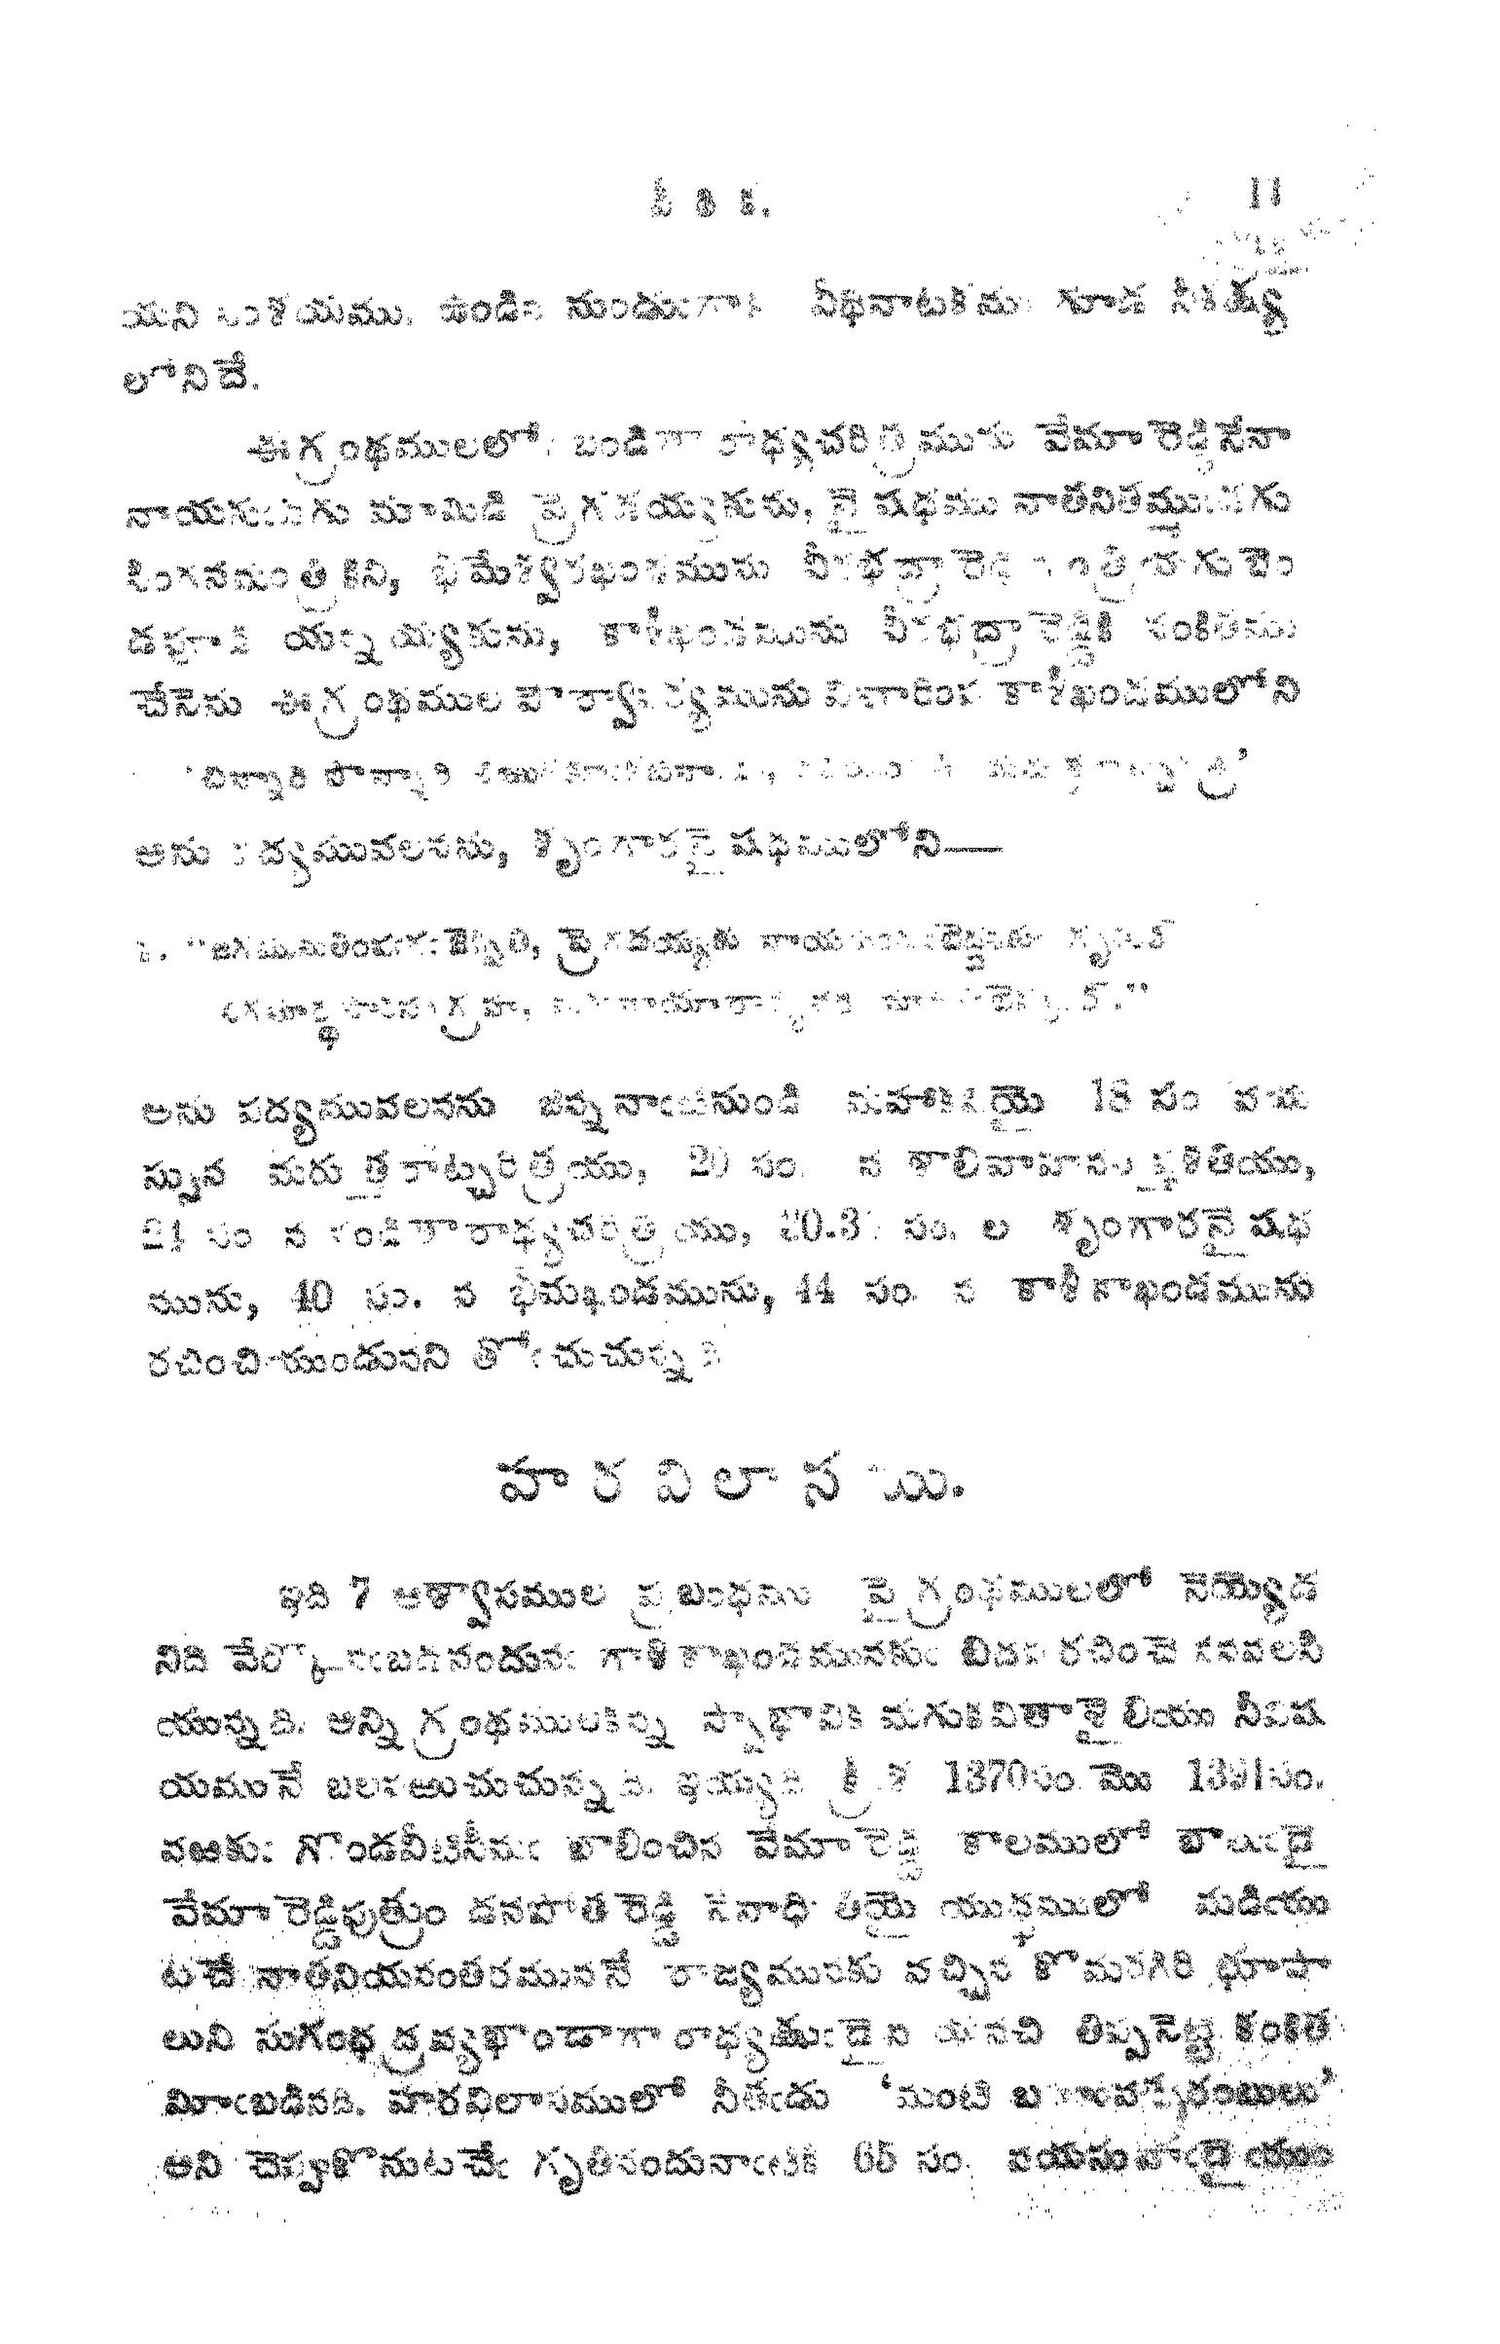యని సంశయము ఉండిన నుండుగాక వీథినాటకము గూడ నీకక్ష్యలోనిదే.

ఈగ్రంథములలో బండితారాధ్యచరిత్రమును వేమారెడ్డిసేనానాయకుఁడగు మామిడి ప్రెగడయ్యకును, నైషధము నాతనితమ్ముఁడగు సింగనమంత్రికిని, భీమేశ్వరఖండమును వీరభద్రారెడ్డి మంత్రియగు బెండపూడి యన్నయ్యకును, కాశీఖండమును వీరభద్రారెడ్డికి నంకితము చేసెను ఈ గ్రంథముల పౌర్వాపర్యములను విచారింప కాశీఖండములోని

‘చిన్నారిపొన్నారిచిఱుతకూఁకటినాఁడు రచియించితిని మరుద్రాట్చరిత్ర’ 
అను పద్యమువలనను, శృంగారనైషధములోని---
“క. జగము నుతింపఁగఁ జెప్పితి, ప్రెగడయ్యకు, నాయనుంగుఁ బెద్దనకుఁ, గృతుల్
నిగమార్థసారసంగ్రహ, మగు నా యారాధ్యచరిత మాదిగఁ బెక్కుల్.” 
అను పద్యమువలనను. జిన్ననాఁటినుండి మహాకవియై 18 సం. వయస్సున మరుత్తరాట్చరిత్రయు, 20 సం. న శాలివాహనసప్తశతియు, 21 సం. న పండితారాధ్యచరిత్రయు, 30-31 సం.ల శృంగారనైషధమును, 40 సం. న భీమఖండమును, 44 సం. న కాశికాఖండమును రచించియుండునని తోఁచుచున్నది.

హరవిలాసము.

ఇది 7 ఆశ్వాసముల ప్రబంధము. పైగ్రంథములలో నెయ్యెడ నిది పేర్కొనబడనందున గాశికాఖండమునకు బిదప రచించె ననవలసియున్నది. అన్ని గ్రంథములకన్న స్వాభావికమగుకవితాశైలియు నీవిషయమునే బలపఱుచుచున్నది. ఇయ్యది క్రీ. శ. 1370 సం. మొ 1391 సం. వఱకుఁ గొండవీటిసీమఁ బాలించిన వేమారెడ్డి కాలములో బాలుఁడై వేమారెడ్డిపుత్రుం డనపోతరెడ్డి సేనాధిపతియై యుద్ధములో మడియుటచే నాతనియనంతరముననే రాజ్యమునకు వచ్చిన కొమరగిరి భూపాలుని సుగంధద్రవ్యభాండాగారాధ్యక్షుఁడైన యవచి తిప్పసెట్టి కంకిత మీఁబడినది. హరవిలాసములో నీతడు 'మంటి బహువత్సరంబులు’ అని చెప్పుకొనుటచేఁ గృతినందునాఁటికి 65 సం. వయసువాఁడైయుం